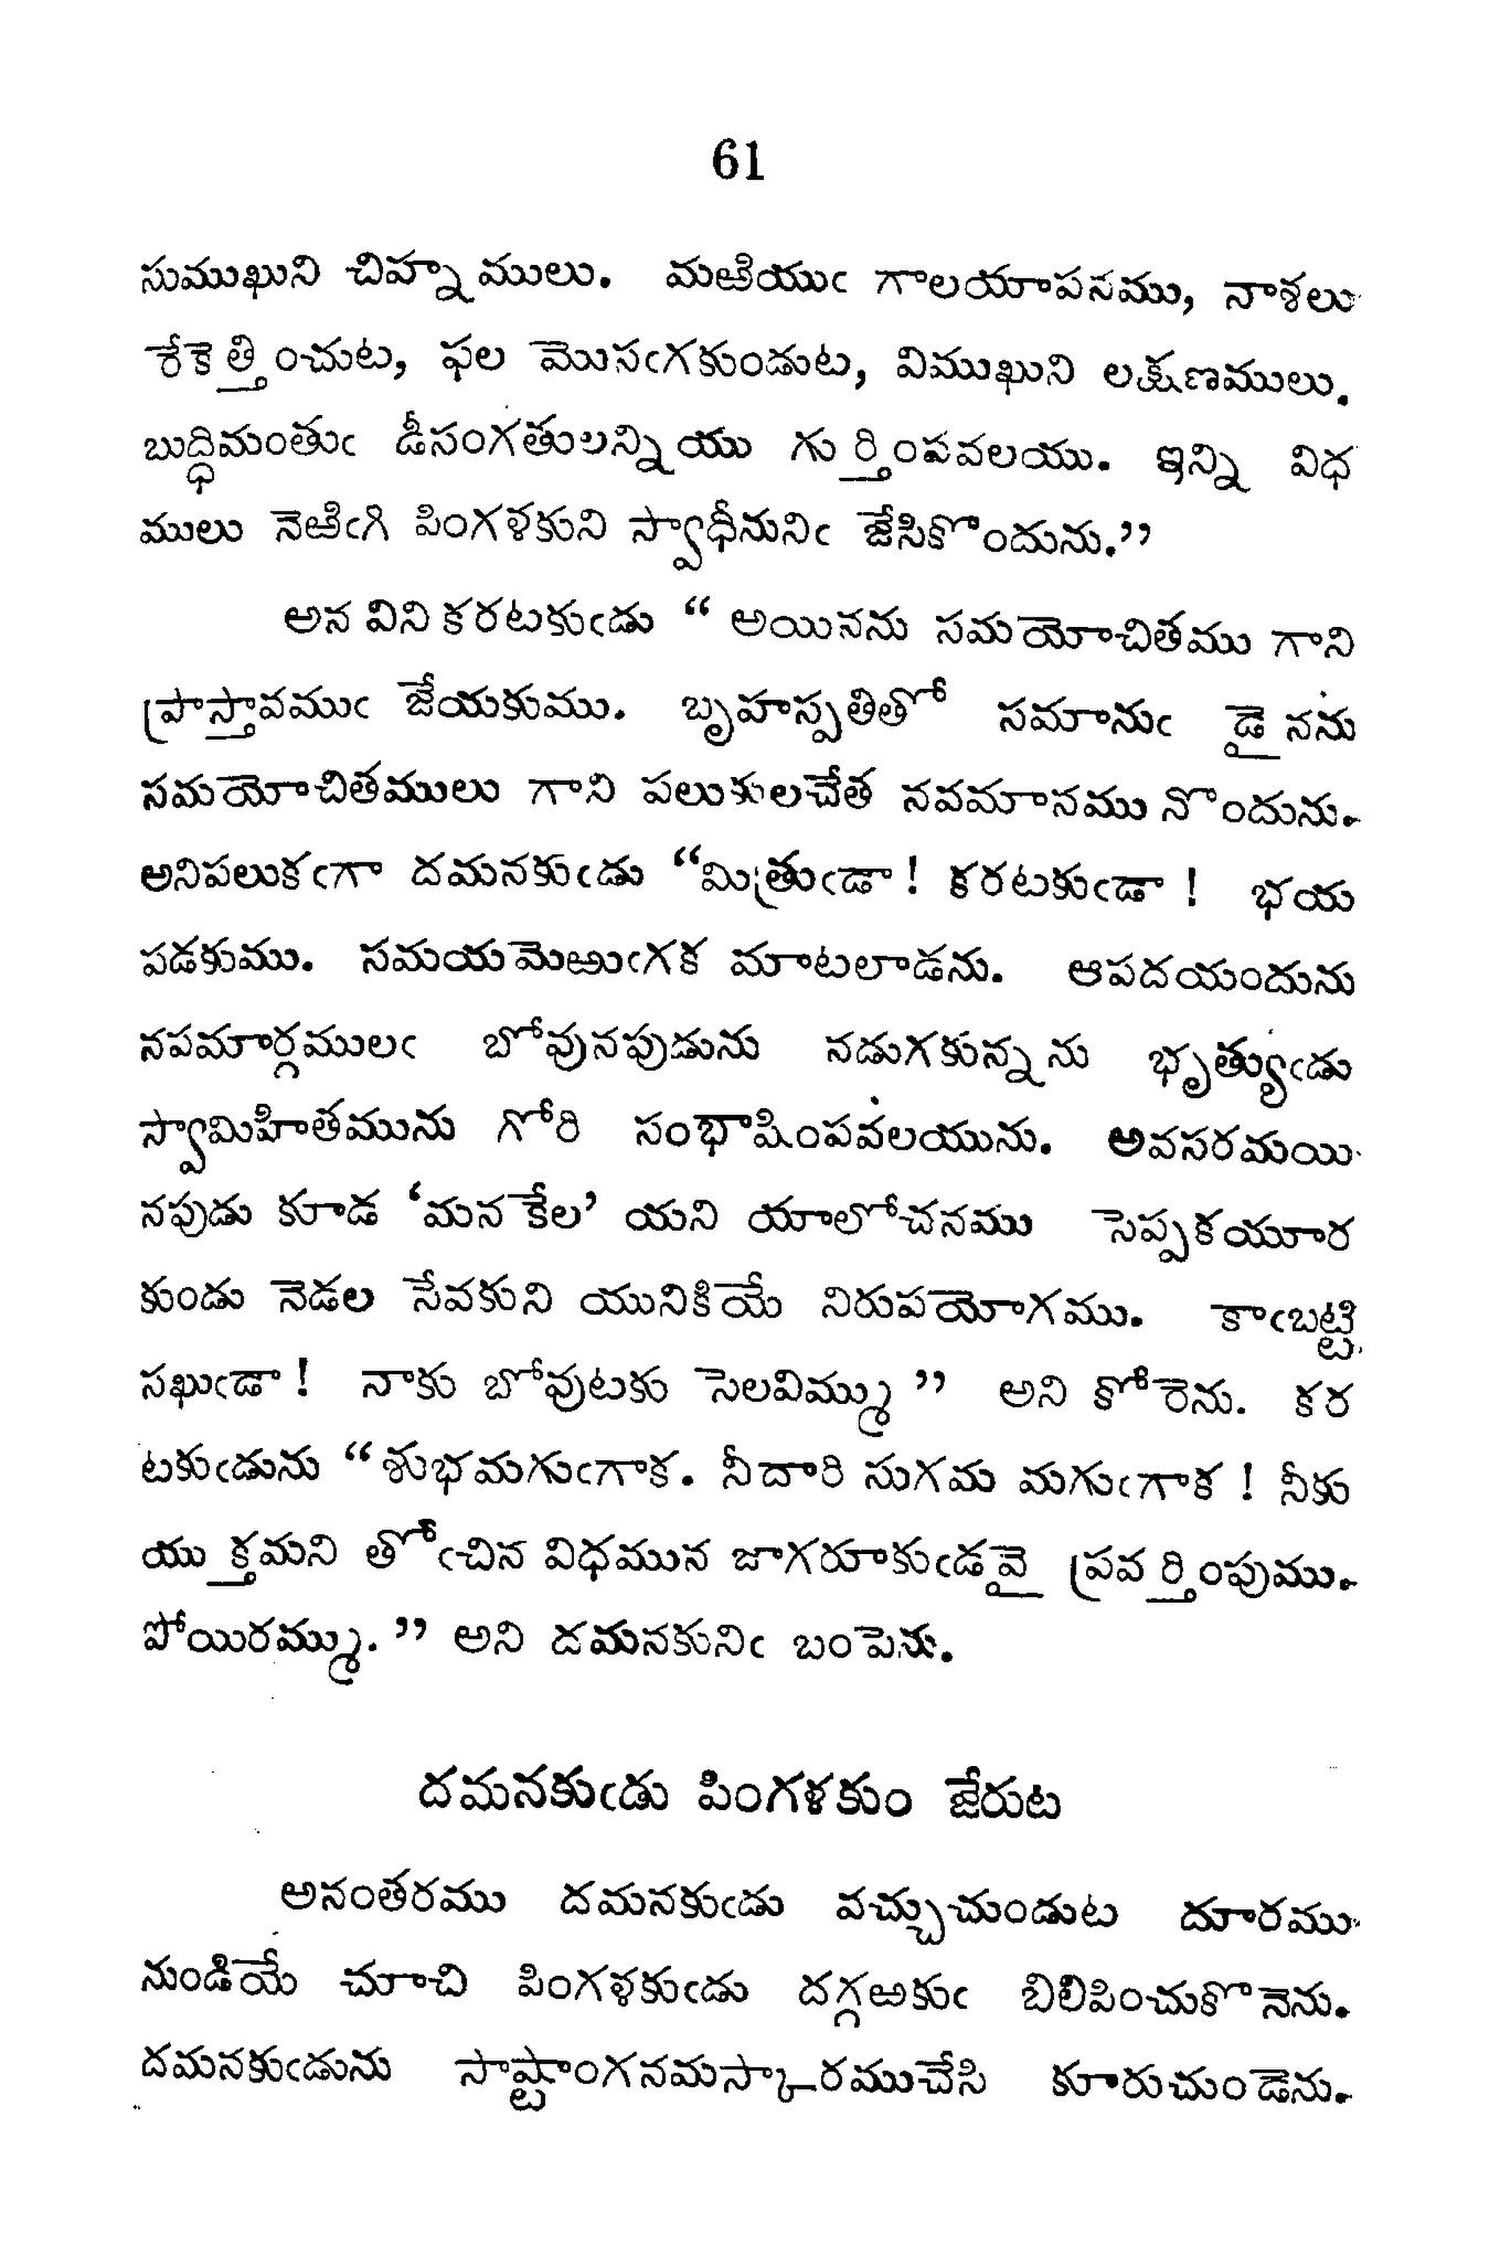సుముఖుని చిహ్నములు. మఱియు గాలయాపనము, నాశలు రేకెత్తించుట, ఫల మొసగకుండుట, విముఖుని లక్షణములు. బుద్ధిమంతు డీసంగతులన్నియు గుర్తింపవలయు. ఇన్ని విధములు నెఱిగి పింగళకుని స్వాధీనుని జేసికొందును.

అన విని కరటకుడు "అయినను సమయోచితము గాని ప్రాస్తావము జేయకుము. బృహస్పతితో సమాను డైనను సమయోచితములు గాని పలుకులచేత నవమానము నొందును. అనిపలుకగా దమనకుడు "మిత్రుడా! కరటకకుడా! భయపడకుము. సమయ మెఱుగక మాటలాడను. ఆపదయందును నపమార్గముల బోవునపుడును నడుగకున్నను భృత్యుడు స్వామిహితమును గోరి సంభాషింపవలయును. అవసరమయినపుడు కూడ "మనకేల" యని యాలోచనము సెప్పకయూర కుండు నెడల సేవకుని యునికియే నిరుపయోగము. కాబట్టి సఖుడా! నాకు బోవుటకు సెలవిమ్ము" అని కోరెను. కరటకుడును "శుభమగుగాక. నీదారి సుగమ మగుగాక! నీకు యుక్తమని తోచిన విధమున జాగరూకుడవై ప్రవర్తింపుము. పోయిరమ్ము." అని దమనకుని బంపెను.

అనంతరము దమనకుడు వచ్చుచుండుట దూరము నుండియే చూచి పింగళకుడు దగ్గఱకు బిలిపించుకొనెను. దమనకుడును సాష్టాంగనమస్కారముచేసి కూరుచుండెను.